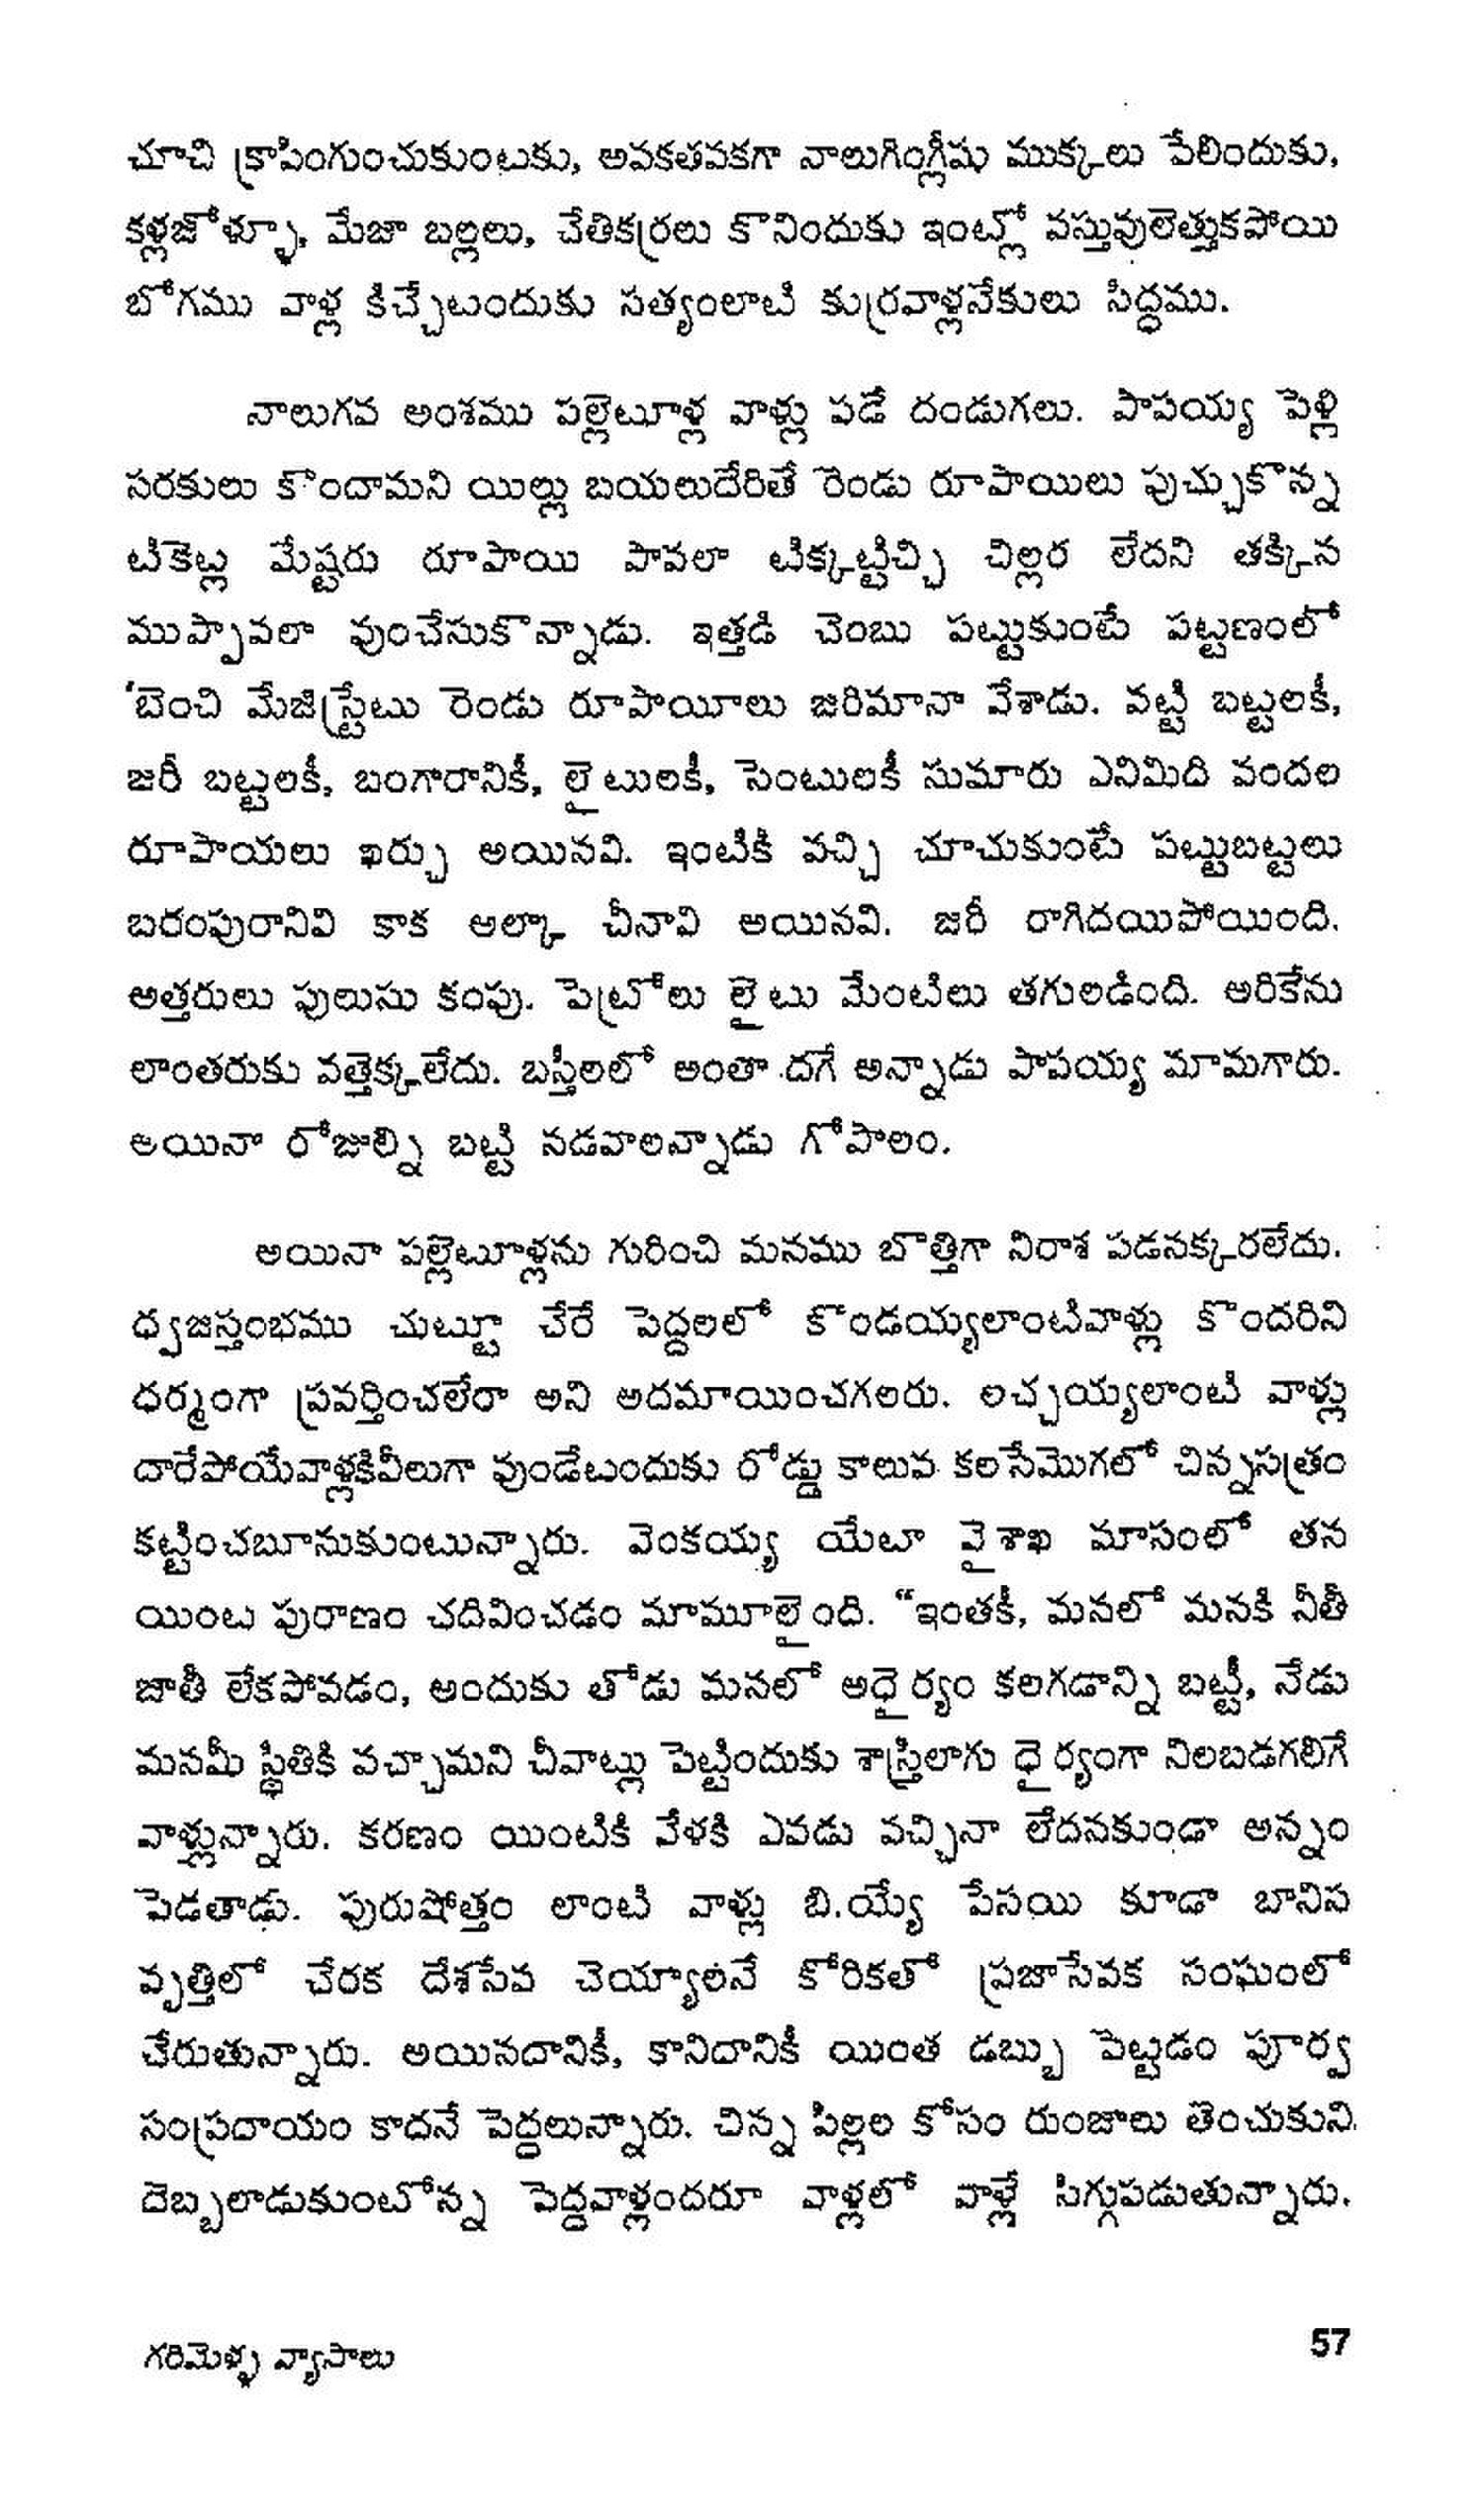చూచి క్రాపింగుంచుకుంటకు, అవకతవకగా నాలుగింగ్లీషు ముక్కలు పేలిందుకు, కళ్లజోళ్ళూ, మేజా బల్లలు, చేతికర్రలు కొనిందుకు ఇంట్లో వస్తువులెత్తుకుపోయి బోగము వాళ్ల కిచ్చేటందుకు సత్యంలాటి కుర్రవాళ్లనేకులు సిద్ధము.

నాలుగవ అంశము పల్లెటూళ్ల వాళ్లు పడే దండుగలు. పాపయ్య పెళ్లిసరకులు కొందామని యిల్లు బయలుదేరితే రెండు రూపాయలు పుచ్చుకొన్న టికెట్ల మేష్టరు రూపాయి పావలా టిక్కట్టిచ్చి చిల్లర లేదని తక్కిన ముప్పావలా వుంచేసుకొన్నాడు. ఇత్తడి చెంబు పట్టుకుంటే పట్టణంలో 'బెంచి మేజిస్ట్రేటు రెండు రూపాయీలు జరిమానా వేశాడు. వట్టి బట్టలకీ, జరీ బట్టలకీ, బంగారానికీ, లైటులకీ, సెంటులకీ సుమారు ఎనిమిది వందల రూపాయలు ఖర్చు అయినవి. ఇంటికి వచ్చి చూచుకుంటే పట్టుబట్టలు బరంపురానివి కాక ఆల్కా చీనావి అయినవి. జరీ రాగిదయిపోయింది. అత్తరులు పులుసు కంపు, పెట్రోలు లైటు మేంటెలు తగులబడింది. అరికేను లాంతరుకు వత్తెక్కలేదు. బస్తీలలో అంతా దగే అన్నాడు పాపయ్య మామగారు. అయినా రోజుల్ని బట్టి నడవాలన్నాడు గోపాలం.

అయినా పల్లెటూళ్లను గురించి మనము బొత్తిగా నిరాశ పడనక్కరలేదు. ద్వజస్తంభము చుట్టూ చేరే పెద్దలలో కొండయ్యలాంటివాళ్లు కొందరిని ధర్మంగా ప్రవర్తించలేరా అని అదమాయించగలరు. లచ్చయ్యలాంటి వాళ్లు దారేపోయేవాళ్లకివీలుగా వుండేటందుకు రోడ్డు కాలువ కలసేమొగలో చిన్నసత్రం కటించబూనుకుంటున్నారు. వెంకయ్య యేటా వైశాఖ మాసంలో తన యింట పురాణం చదివించడం మామూలైంది. "ఇంతకీ మనలో మనకి నీతీ జాతీ లేకపోవడం, అందుకు తోడు మనలో అధైర్యం కలగడాన్ని బట్టీ, నేడు మనమీ స్థితికి వచ్చామని చీవాట్లు పెట్టిందుకు శాస్త్రిలాగు ధైర్యంగా నిలబడగలిగే వాళ్లున్నారు. కరణం యింటికి వేళకి ఎవడు వచ్చినా లేదనకుండా అన్నం పెడతాడు పురుషోత్తం లాంటి వాళ్లు బి. య్యే పేసయి కూడా బానిస వృత్తిలో చేరక దేశసేవ చెయ్యాలనే కోరికతో ప్రజాసేవ సంఘంలో చేరుతున్నారు. అయినదానికీ, కానిదానికీ యింత డబ్బు పెట్టడం పూర్వ సంప్రదాయం కాదనే పెద్దలున్నారు. చిన్న పిల్లల కోసం రుంజూలు తెంచుకుని దెబ్బలాడుకుంటోన్న పెద్దవాళ్లందరూ వాళ్లలో వాళ్లే సిగ్గుపడుతున్నారు.